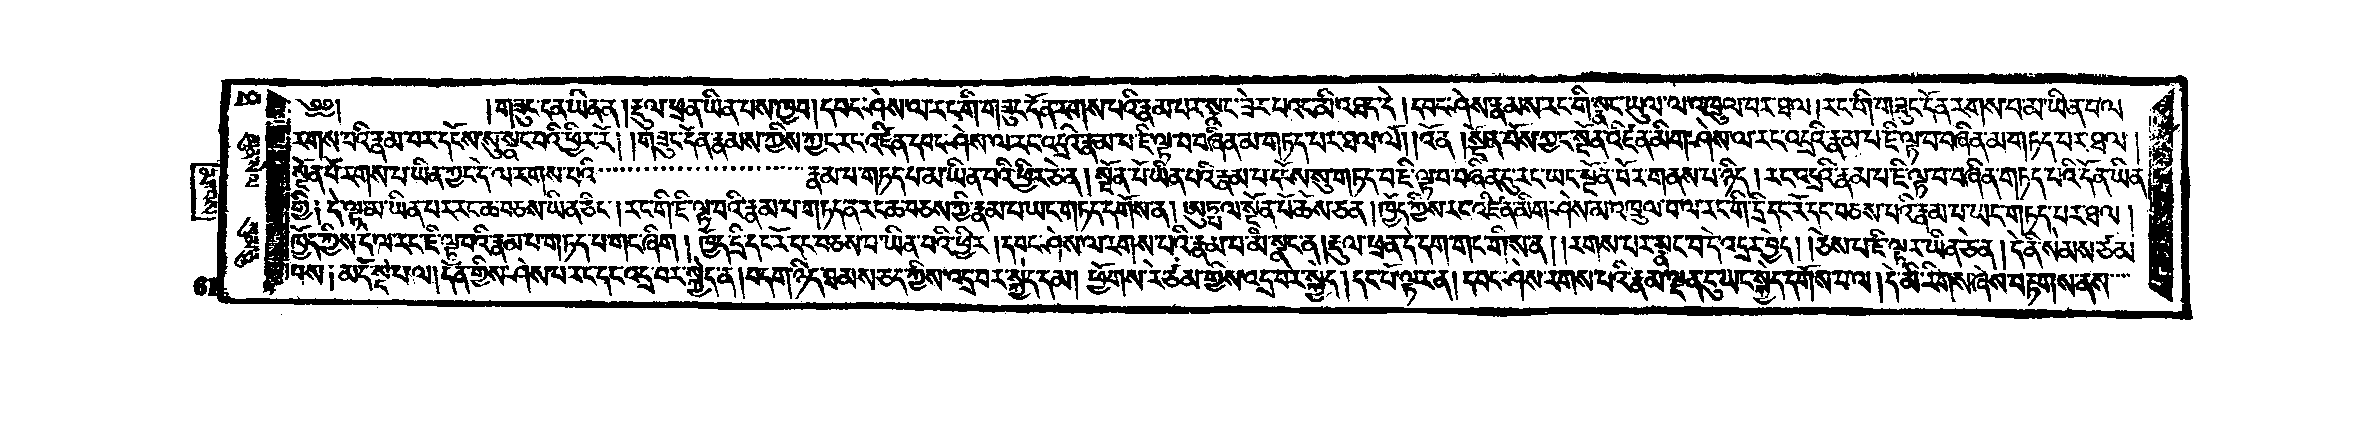༄༅། །གཟུང་དོན་ཡིན་ན། རྡུལ་ཕྲན་ཡིན་པས་ཁྱབ། དབང་ཤེས་ལ་རང་གི་གཟུང་དོན་རགས་པའི་རྣམ་པར་སྣང་ཟེར་བའང་མི་འཐད་དེ། དབང་ཤེས་རྣམས་རང་གི་སྣང་ཡུལ་ལ་འཁྲུལ་པར་ཐལ། རང་གི་གཟུང་དོན་རགས་པ་མ་ཡིན་པ་ལ་
རགས་པའི་རྣམ་པར་དངོས་སུ་སྣང་བའི་ཕྱིར་རོ། །གཟུང་དོན་རྣམས་ཀྱིས་ཀྱང་རང་འཛིན་དབང་ཤེས་ལ་རང་འདྲའི་རྣམ་པ་ཇི་ལྟ་བ་བཞིན་མ་གཏད་པར་ཐལ་ལོ། །འོ་ན། སྔོན་པོས་ཀྱང་སྔོན་འཛིན་མིག་ཤེས་ལ་རང་འདྲའི་རྣམ་པ་ཇི་ལྟ་བ་བཞིན་མ་གཏད་པར་ཐལ།
སྔོན་པོ་རགས་པ་ཡིན་ཀྱང་དེ་ལ་རགས་པའི་རྣམ་པ་གཏད་པ་མ་ཡིན་པའི་ཕྱིར་ཅེ་ན། སྔོན་པོ་ཡིན་པའི་རྣམ་པ་དངོས་སུ་གཏད་པ་ཇི་ལྟ་བ་བཞིན་དུ་རང་ཡང་སྔོན་པོར་གནས་པ་ཉིད། རང་འདྲའི་རྣམ་པ་ཇི་ལྟ་བ་བཞིན་གཏད་པའི་དོན་ཡིན་
གྱི། དེ་ལྟ་མ་ཡིན་པར་རང་ཆ་བཅས་ཡིན་ཅིང་། རང་གི་ཇི་ལྟ་བའི་རྣམ་པ་གཏད་ན་རང་ཆ་བཅས་ཀྱི་རྣམ་པ་ཡང་གཏད་དགོས་ན། ཨུཏྤལ་སྔོན་པོ་ཆོས་ཅན། ཁྱོད་ཀྱིས་རང་འཛིན་མིག་ཤེས་མ་འཁྲུལ་བ་ལ་རང་གི་དྲི་དང་རོ་དང་བཅས་པའི་རྣམ་པ་ཡང་གཏད་པར་ཐལ།
ཁྱོད་ཀྱིས་དེ་ལ་རང་ཇི་ལྟ་བའི་རྣམ་པ་གཏད་པ་གང་ཞིག །ཁྱོད་དྲི་དང་རོ་དང་བཅས་པ་ཡིན་པའི་ཕྱིར། དབང་ཤེས་ལ་རགས་པའི་རྣམ་པ་མི་སྣང་ན། རྡུལ་ཕྲན་དེ་དག་གང་གིས་ན། །རགས་པར་སྣང་བ་དེ་འདྲར་བྱེད། །ཅེས་པ་ཇི་ལྟར་ཡིན་ཅེ་ན། དེ་ནི་སེམས་ཙམ་
པས། མདོ་སྡེ་པ་ལ། དོན་གྱིས་ཤེས་པ་རང་དང་འདྲ་བར་སྐྱེད་ན། བདག་ཉིད་ཐམས་ཅད་ཀྱིས་འདྲ་བར་སྐྱེད་དམ། ཕྱོགས་རེ་ཙམ་གྱིས་འདྲ་བར་སྐྱེད། དང་པོ་ལྟར་ན། དབང་ཤེས་རགས་པའི་རྣམ་ལྡན་དུ་ཡང་སྐྱེད་དགོས་པ་ལ། དེ་མི་རིགས་ཞེས་བརྟགས་ནས་